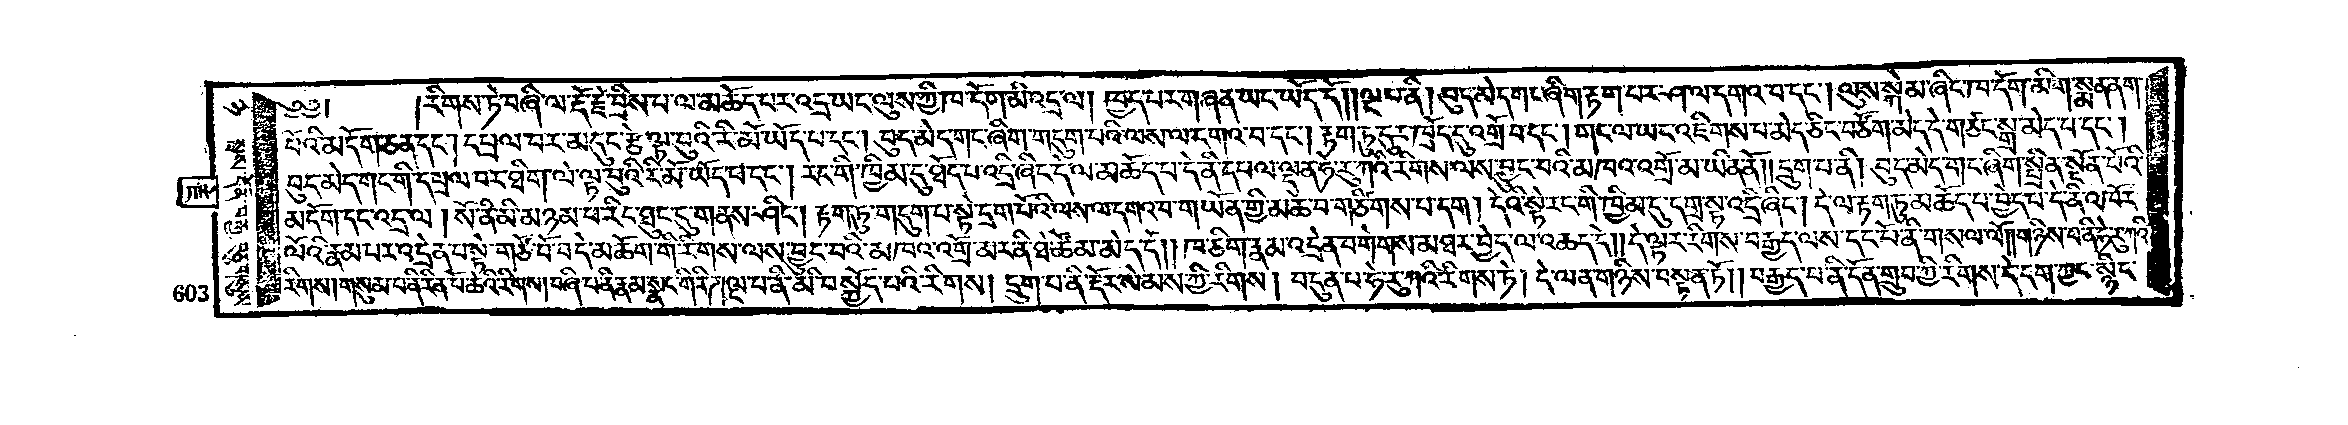༄༅། །རིགས་ཏེ་བཞི་ལ་རྡོ་རྗེ་བྲིས་པ་ལ་མཆོད་པར་འདྲ་ཡང་ལུས་ཀྱི་ཁ་དོག་མི་འདྲ་ལ། ཁྱད་པར་གཞན་ཡང་ཡོད་དོ། །ལྔ་པ་ནི། བུད་མེད་གང་ཞིག་རྟག་པར་ཤ་ལ་དགའ་བ་དང་། ལུས་སྐེམ་ཞིང་ཁ་དོག་མིག་སྨན་ནག་
པོའི་མདོག་ཅན་དང་། དཔྲལ་བར་མདུང་རྩེ་ལྟ་བུའི་རི་མོ་ཡོད་པ་དང་། བུད་མེད་གང་ཞིག་གདུག་པའི་ལས་ལ་དགའ་བ་དང་། རྟག་ཏུ་དུར་ཁྲོད་དུ་འགྲོ་བ་དང་། གང་ལ་ཡང་འཇིགས་པ་མེད་ཅིང་བཙོག་མེད་དེ་གཙང་སྒྲ་མེད་པ་དང་།
བུད་མེད་གང་གི་དཔྲལ་བར་ཐིག་ལེ་ལྟ་བུའི་རི་མོ་ཡོད་པ་དང་། རང་གི་ཁྱིམ་དུ་ཐོད་པ་འདྲི་ཞིང་དེ་ལ་མཆོད་པ་དེ་ནི་དཔལ་ལྡན་ཧེ་རུ་ཀའི་རིགས་ལས་བྱུང་བའི་མཁའ་འགྲོ་མ་ཡིན་ནོ། །དྲུག་པ་ནི། བུད་མེད་གང་ཞིག་སྤྲིན་སྔོན་པོའི་
མདོག་དང་འདྲ་ལ། སོ་ནི་མི་མཉམ་པ་རིང་ཐུང་དུ་གནས་ཤིང་། རྟག་ཏུ་གདུག་པ་སྟེ་དྲག་པོའི་ལས་ལ་དགའ་བ་གཡོན་གྱི་མཆེ་བ་གཙིགས་པ་དག། དེའི་སྟེ་རང་གི་ཁྱིམ་དུ་དགྲ་སྟ་འདྲི་ཞིང་། དེ་ལ་རྟག་ཏུ་མཆོད་པ་བྱེད་པ་དེ་ནི་འཁོར་
ལོའི་རྣམ་པར་འདྲེན་པ་སྟེ་གཙོ་བོ་བདེ་མཆོག་གི་རིགས་ལས་བྱུང་བའི་མཁའ་འགྲོ་མར་ནི་ཐེ་ཚོམ་མེད་དོ། །ཁ་ཅིག་རྣམ་འདྲེན་བགེགས་མཐར་བྱེད་ལ་འཆད་དོ། །དེ་ལྟར་རིགས་བརྒྱད་ལས་དང་པོ་ནི་གསལ་ལོ། །གཉིས་པ་ནི་ཧེ་རུ་ཀའི་
རིགས། །གསུམ་པ་ནི་རིན་པོ་ཆེའི་རིགས། བཞི་པ་ནི་རྣམ་སྣང་གི་རིགས། ལྔ་པ་ནི་མི་བསྐྱོད་པའི་རིགས། དྲུག་པ་ནི་རྡོར་སེམས་ཀྱི་རིགས། བདུན་པ་ཧེ་རུ་ཀའི་རིགས་ཏེ། དེ་ལན་གཉིས་བསྟན་ཏོ། །བརྒྱད་པ་ནི་དོན་གྲུབ་ཀྱི་རིགས་དེ་དག་ཀྱང་སྙིང་